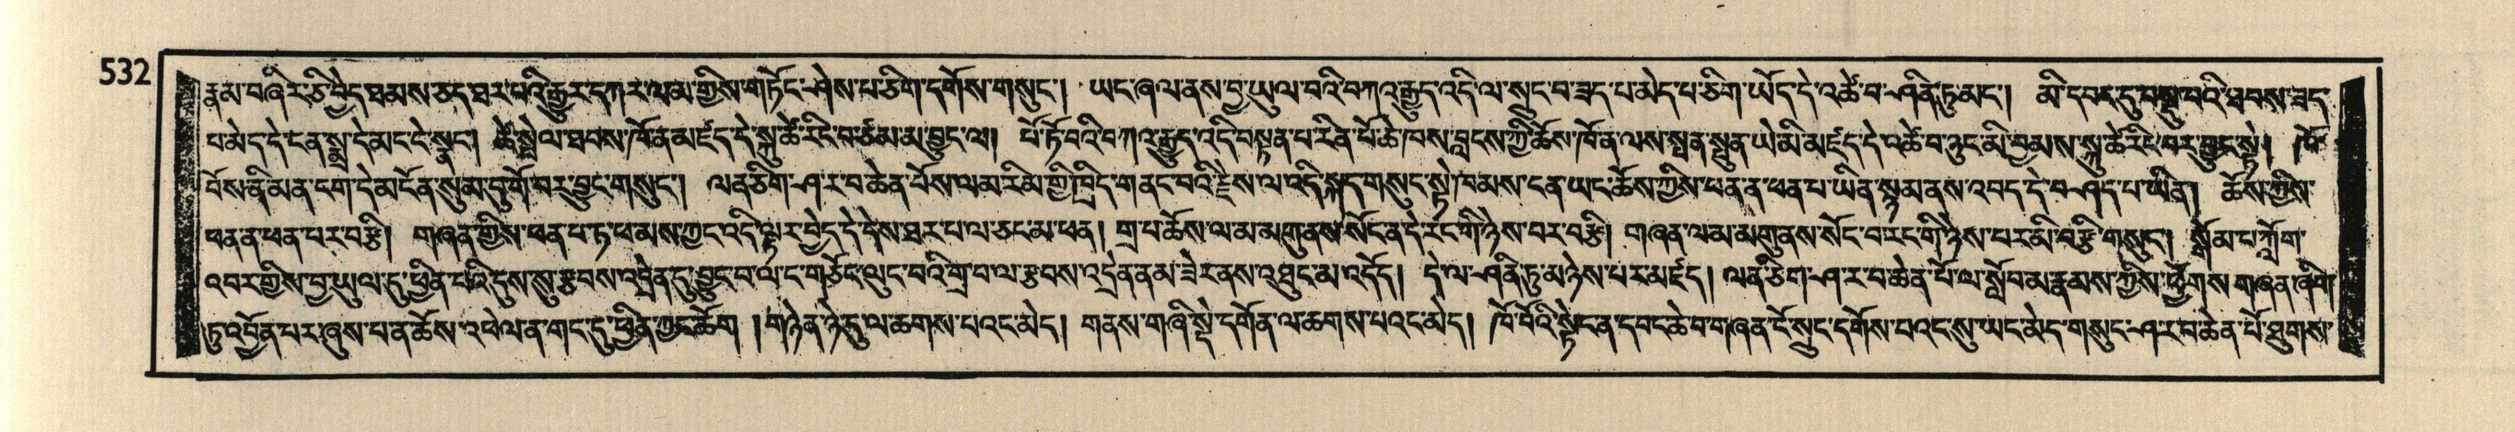རྣམ་བཞིར་ཅི་བྱེད་ཐམས་ཅད་ཐར་པའི་རྒྱུར་དཀར་ལམ་གྱིས་གཏོང་ཤེས་པ་ཅིག་དགོས་གསུང་། ཡང་ཞལ་ནས་བྱ་ཡུལ་བའི་བཀའ་རྒྱུད་འདི་ལ་སྲུང་བ་ཟད་པ་མེད་པ་ཅིག་ཡོད་དེ་འཚེ་བ་ཤིན་ཏུ་མང་། མི་དབང་དུ་བསྡུ་བའི་ཐབས་ཟད་
པ་མེད་དེ་ངན་སྨྲ་དེ་མང་དེ་སྣང་། ཚེ་སྤེལ་ཐབས་ཁོ་ན་མཛད་དེ་སྐུ་ཚེ་རིང་བ་ཙམ་མ་བྱུང་ལ། པོ་ཏོ་བའི་བཀའ་རྒྱུད་འདི་ལ་བསྟན་པ་རིན་པོ་ཆེ་ཁས་བླངས་ཀྱི་ཆོས་ཁོ་ན་ལས་སྤན་སྤུན་ཡེ་མི་མཛད་དེ་འཚེ་བ་ཉུང་མི་བྱམས་སྐུ་ཚེ་རིང་བར་བྱུང་སྟེ། ཁོ་
བོས་ནི་མན་ངག་དེ་མངོན་སུམ་དུ་གོ་བར་བྱུང་གསུང་། ལན་ཅིག་ཤར་བ་ཆེན་པོས་ལམ་རིམ་གྱི་ཁྲིད་གནང་བའི་རྗེས་ལ་འདི་སྐད་གསུང་སྟེ་ཁམས་ངན་ཡང་ཆོས་ཀྱིས་ཕན་ན་ཕན་པ་ཡིན་སྙམ་ནས་འབད་དེ་བཤད་པ་ཡིན། ཆོས་ཀྱིས་
ཕན་ན་ཕན་པར་བརྩི། གཞན་གྱིས་ཕན་པ་ཏ་ཕ་མས་ཀྱང་འདི་ལྟར་བྱེད་དེ་དེས་ཐར་པ་ལ་ཅང་མ་ཕན། གྲ་པ་ཆོས་ལ་མ་མགུ་ནས་སོང་ན་དེ་རང་གི་ཉེས་བར་བརྩི། གཞན་ལམ་མགུ་ནས་སོང་བ་རང་གི་ཉེས་པར་མི་བརྩི་གསུང་། སྒོམ་པ་ཀློག་
འབར་གྱིས་བྱ་ཡུལ་དུ་ཕྱིན་པའི་དུས་སུ་རྩབས་འབྲེན་དུ་བྱུང་བ་ལ་ང་གཅོང་ལུང་བའི་གྲ་པ་ལ་རྩབས་འདྲེན་ནམ་ཟེར་ནས་འཐུང་མ་འདོད། དེ་ལ་ཤིན་ཏུ་མཉེས་པར་མཛད། ལན་ཅིག་ཤ་ར་བ་ཆེན་པོ་ལ་སློབ་མ་རྣམས་ཀྱིས་ཕྱོགས་གཞན་ཞིག་
ཏུ་འབྱོན་པར་ཞུས་པ་ན་ཆོས་འཕེལ་ན་གང་དུ་ཕྱིན་ཀྱང་ཆོག །གཉེན་ཉེ་དུ་ལ་ཆགས་པའང་མེད། གནས་གཞི་སྡེ་དགོན་ལ་ཆགས་པའང་མེད། ཁོ་བོའི་སྟེང་ན་དབང་ཆེ་བ་གཞན་ངོ་སྲུང་དགོས་པའང་སུ་ཡང་མེད་གསུང་ཤ་རབ་ཆེན་པོ་ཐུགས་